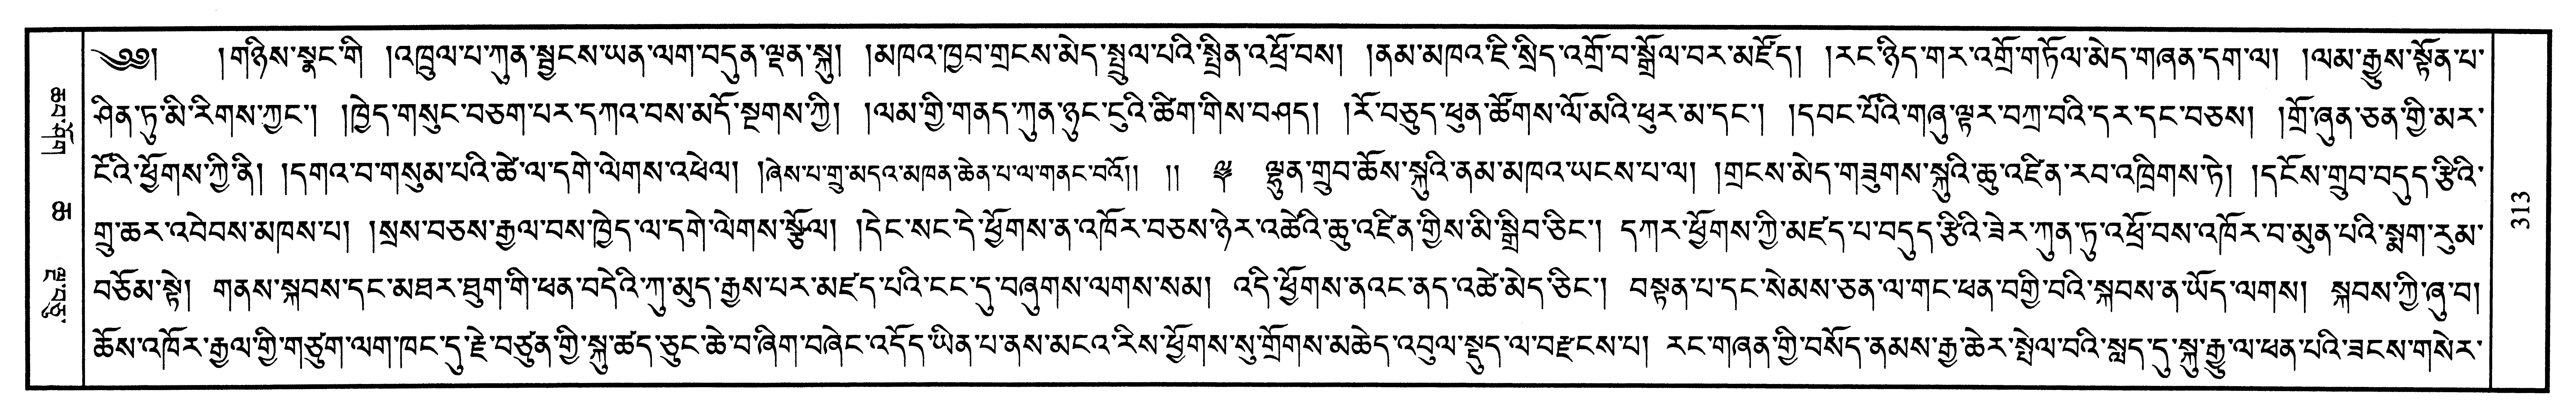༄༅། །གཉིས་སྣང་གི །འཁྲུལ་པ་ཀུན་སྦྱངས་ཡན་ལག་བདུན་ལྡན་སྐུ། །མཁའ་ཁྱབ་གྲངས་མེད་སྤྲུལ་པའི་སྤྲིན་འཕྲོ་བས། །ནམ་མཁའ་ཇི་སྲིད་འགྲོ་བ་སྒྲོལ་བར་མཛོད། །རང་ཉིད་གར་འགྲོ་གཏོལ་མེད་གཞན་དག་ལ། །ལམ་རྒྱུས་སྟོན་པ་
ཤིན་ཏུ་མི་རིགས་ཀྱང་། །ཁྱེད་གསུང་བཅག་པར་དཀའ་བས་མདོ་སྔགས་ཀྱི། །ལམ་གྱི་གནད་ཀུན་ཉུང་ངུའི་ཚིག་གིས་བཤད། །རོ་བཅུད་ཕུན་ཚོགས་ལོ་མའི་ཕུར་མ་དང་། །དབང་པོའི་གཞུ་ལྟར་བཀྲ་བའི་དར་དང་བཅས། །གྲོ་ཞུན་ཅན་གྱི་མར་
ངོའི་ཕྱོགས་ཀྱི་ནི། །དགའ་བ་གསུམ་པའི་ཚེ་ལ་དགེ་ལེགས་འཕེལ། །ཞེས་པ་གྲུ་མདའ་མཁན་ཆེན་པ་ལ་གནང་བའོ།། །། ༈ ལྷུན་གྲུབ་ཆོས་སྐུའི་ནམ་མཁའ་ཡངས་པ་ལ། །གྲངས་མེད་གཟུགས་སྐུའི་ཆུ་འཛིན་རབ་འཁྲིགས་ཏེ། །དངོས་གྲུབ་བདུད་རྩིའི་
གྲུ་ཆར་འབེབས་མཁས་པ། །སྲས་བཅས་རྒྱལ་བས་ཁྱེད་ལ་དགེ་ལེགས་སྩོལ། །དེང་སངས་དེ་ཕྱོགས་ན་འཁོར་བཅས་ཉེར་འཚེའི་ཆུ་འཛིན་གྱིས་མི་སྒྲིབ་ཅིང་། །དཀར་ཕྱོགས་ཀྱི་མཛད་པ་བདུད་རྩིའི་ཟེར་ཀུན་ཏུ་འཕྲོ་བས་འཁོར་བ་མུན་པའི་སྨག་རུམ་
བཅོམ་སྟེ། གནས་སྐབས་དང་མཐར་ཐུག་གི་ཕན་བདེའི་ཀུ་མུད་རྒྱས་པར་མཛད་པའི་ངང་དུ་བཞུགས་ལགས་སམ། འདི་ཕྱོགས་ནའང་ནད་འཚེ་མེད་ཅིང་། བསྟན་པ་དང་སེམས་ཅན་ལ་གང་ཕན་བགྱི་བའི་སྐབས་ན་ཡོད་ལགས། སྐབས་ཀྱི་ཞུ་བ།
ཆོས་འཁོར་རྒྱལ་གྱི་གཙུག་ལག་ཁང་དུ་རྗེ་བཙུན་གྱི་སྐུ་ཚད་ཅུང་ཆེ་བ་ཞིག་བཞེང་འདོད་ཡིན་པ་ནས་མངའ་རིས་ཕྱོགས་སུ་གྲོགས་མཆེད་འབུལ་སྡུད་ལ་བརྫངས་པ། རང་གཞན་གྱི་བསོད་ནམས་རྒྱ་ཆེར་སྤེལ་བའི་སླད་དུ་སྐུ་རྒྱུ་ལ་ཕན་པའི་ཟངས་གསེར་